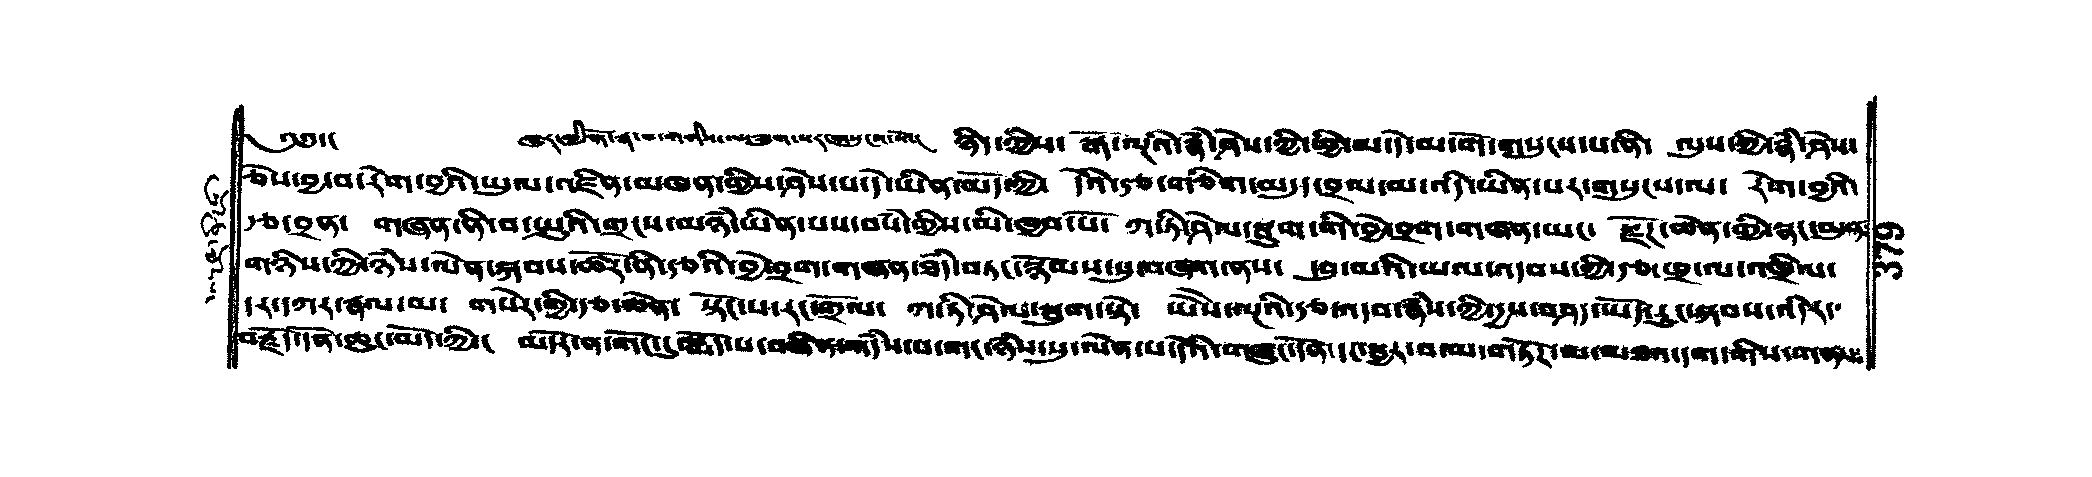ཉིད་ཀྱིས། སྒོ་ལྔའི་རྣམ་ཤེས་ཀྱི་ཕྱི་མ་དེ་མ་གོ་གསུངས་པ་ནི། ལུས་ཀྱི་རྣམ་ཤེས་
ཅེས་བྱ་བ་རེག་བྱའི་ཡུལ་འཛིན་མཁན་གྱིས་ཤེས་པ་དེ་ཡིན་མོད་ཀྱི། དེའི་རྩ་གཅིག་མདུད་བྲལ་མ་འདི་ཡིན་པར་གསུངས་ལ། རེག་བྱའི་
རྩ་བྲན། གཞན་ནི་བ་སྤུའི་གྲངས་མཉམ་ཡིན་པས་བསམ་གྱིས་མི་ཁྱབ་བོ།ཀ་ཏི་ཤེལ་སྦུག་གི་བྱེ་བྲག་གཞན་ཡང་། རྫོགས་ཆེན་གྱི་སྣང་མིན་
གཉིས་ཀྱི་ཉམས་ལེན་སྐབས་ཚོར་ནི་རྩའི་བྱེ་བྲག་གཞན་ཐམས་ཅད་བཏང་སྙོམས་སུ་བཞག་ནས། དབུ་མའི་ཡལ་འདབས་ཀྱི་རྩ་ཕྲ་ལ་འཁྲིལ་
དར་དཀར་རྣལ་མ། གསེར་གྱི་རྩ་ཆེན། སྟོང་པ་རང་གྲོལ། ཀ་རྟི་ཤེ་སྦུག་སྟེ། ཡེ་ཤེས་ལྔའི་རྩ་འདབ་རྣམས་ཀྱི་རྒྱས་བཤད་ཡོད་རུང་སྐབས་འདིར་
བརྗོད་དོན་ཆུང་མོད་ཀྱི། མདོར་ན་གོང་དུ་སྨོས་པ་བཞིན་གདམས་པ་གང་ཉམས་སུ་ལེན་པ་དེའི་གཞུང་དོན་དང་སྦྱར་བ་མ་གཏོགས་མཐའ་དག་གིས་གནས་